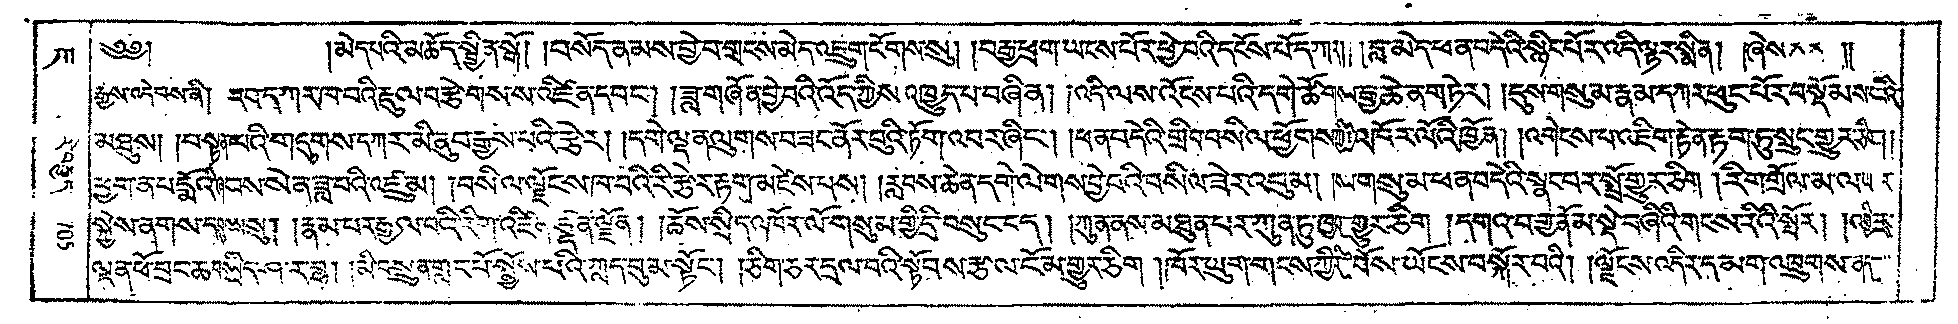༄༅། །མེད་པའི་མཆོད་སྦྱིན་སྒོ། །བསོད་ནམས་བྱེ་བ་གྲངས་མེད་འཇུག་ངོགས་སུ། །བརྒྱ་ཕྲག་ཡངས་པོར་ཕྱེ་བའི་དངོས་པོ་དཀར། །བླ་མེད་ཕན་བདེའི་སྙིང་པོར་འདི་ལྟར་སྨིན། །ཞེས་྾་྾།།
རྒྱས་འདེབས་ནི།  རབ་དཀར་ཁ་བའི་རྡུལ་བརྩེགས་ས་འཛིན་དབང་། །ཟླ་གཞོན་བྱེ་བའི་འོད་ཀྱིས་འཁྱུད་པ་བཞིན། །འདི་ལས་འོངས་པའི་དགེ་ཚོགས་རྒྱ་ཆེན་གཏེར། །དུས་གསུམ་རྣམ་དཀར་ཕུང་པོར་བསྡོམས་པའི་
མཐུས། །བསྟན་པའི་གདུགས་དཀར་མི་ནུབ་རྒྱས་པའི་རྩེར། །དགེ་ལྡན་ལུགས་བཟང་ནོར་བུའི་ཏོག་འབར་ཞིང་། །ཕན་བདེའི་གྲིབ་བསིལ་ཕྱོགས་ཀྱི་འཁོར་ལོའི་ཁྱོན། །འགེངས་པ་འཇིག་རྟེན་རྟག་ཏུ་སྲུང་གྱུར་ཅིག །
ཕྱག་ན་པདམོའི་ཞབས་སེན་ཟླ་བའི་འཛུམ། །བསིལ་ལྗོངས་ཁ་བའི་རི་རྩེར་རྟག་མཛེས་པས། །རླབས་ཆེན་དགེ་ལེགས་བྱེ་བའི་བསིལ་ཟེར་འབུམ། །ས་གསུམ་ཕན་བདེའི་སྣང་བར་སྤྲོ་གྱུར་ཅིག །རིག་གྲོལ་མ་ལ་ཡར་
སྐྱེས་ནགས་དབུས་སུ། །རྣམ་པར་རྒྱལ་བའི་རིག་འཛིན་ཙནྡན་ལྗོན། །ཆོས་སྲིད་འཁོར་ལོ་གསུམ་གྱི་དྲི་བསུང་ངད། །ཀུན་ནས་མཐུན་པར་ཀུན་ཏུ་ཁྱབ་གྱུར་ཅིག །དགའ་བ་གྱ་ནོམ་སྡེ་བཞིའི་གངས་རིའི་སྤོར། །འགྱིངས་
ལྡན་ཕོ་བྲང་ཆབ་སྲིད་ཤ་ར་བྷ། །མི་བསྲུན་གླང་པོ་སྨྱོས་པའི་ཀླད་བུམ་སྟོང་། །ཅིག་ཅར་དྲལ་བའི་སྟོབས་རྩལ་ངོམ་གྱུར་ཅིག །ཁོར་ཡུག་གངས་ཀྱི་རི་བོས་ཡོངས་བསྐོར་བའི། །ལྗོངས་འདིར་དམག་འཁྲུགས་ནད་